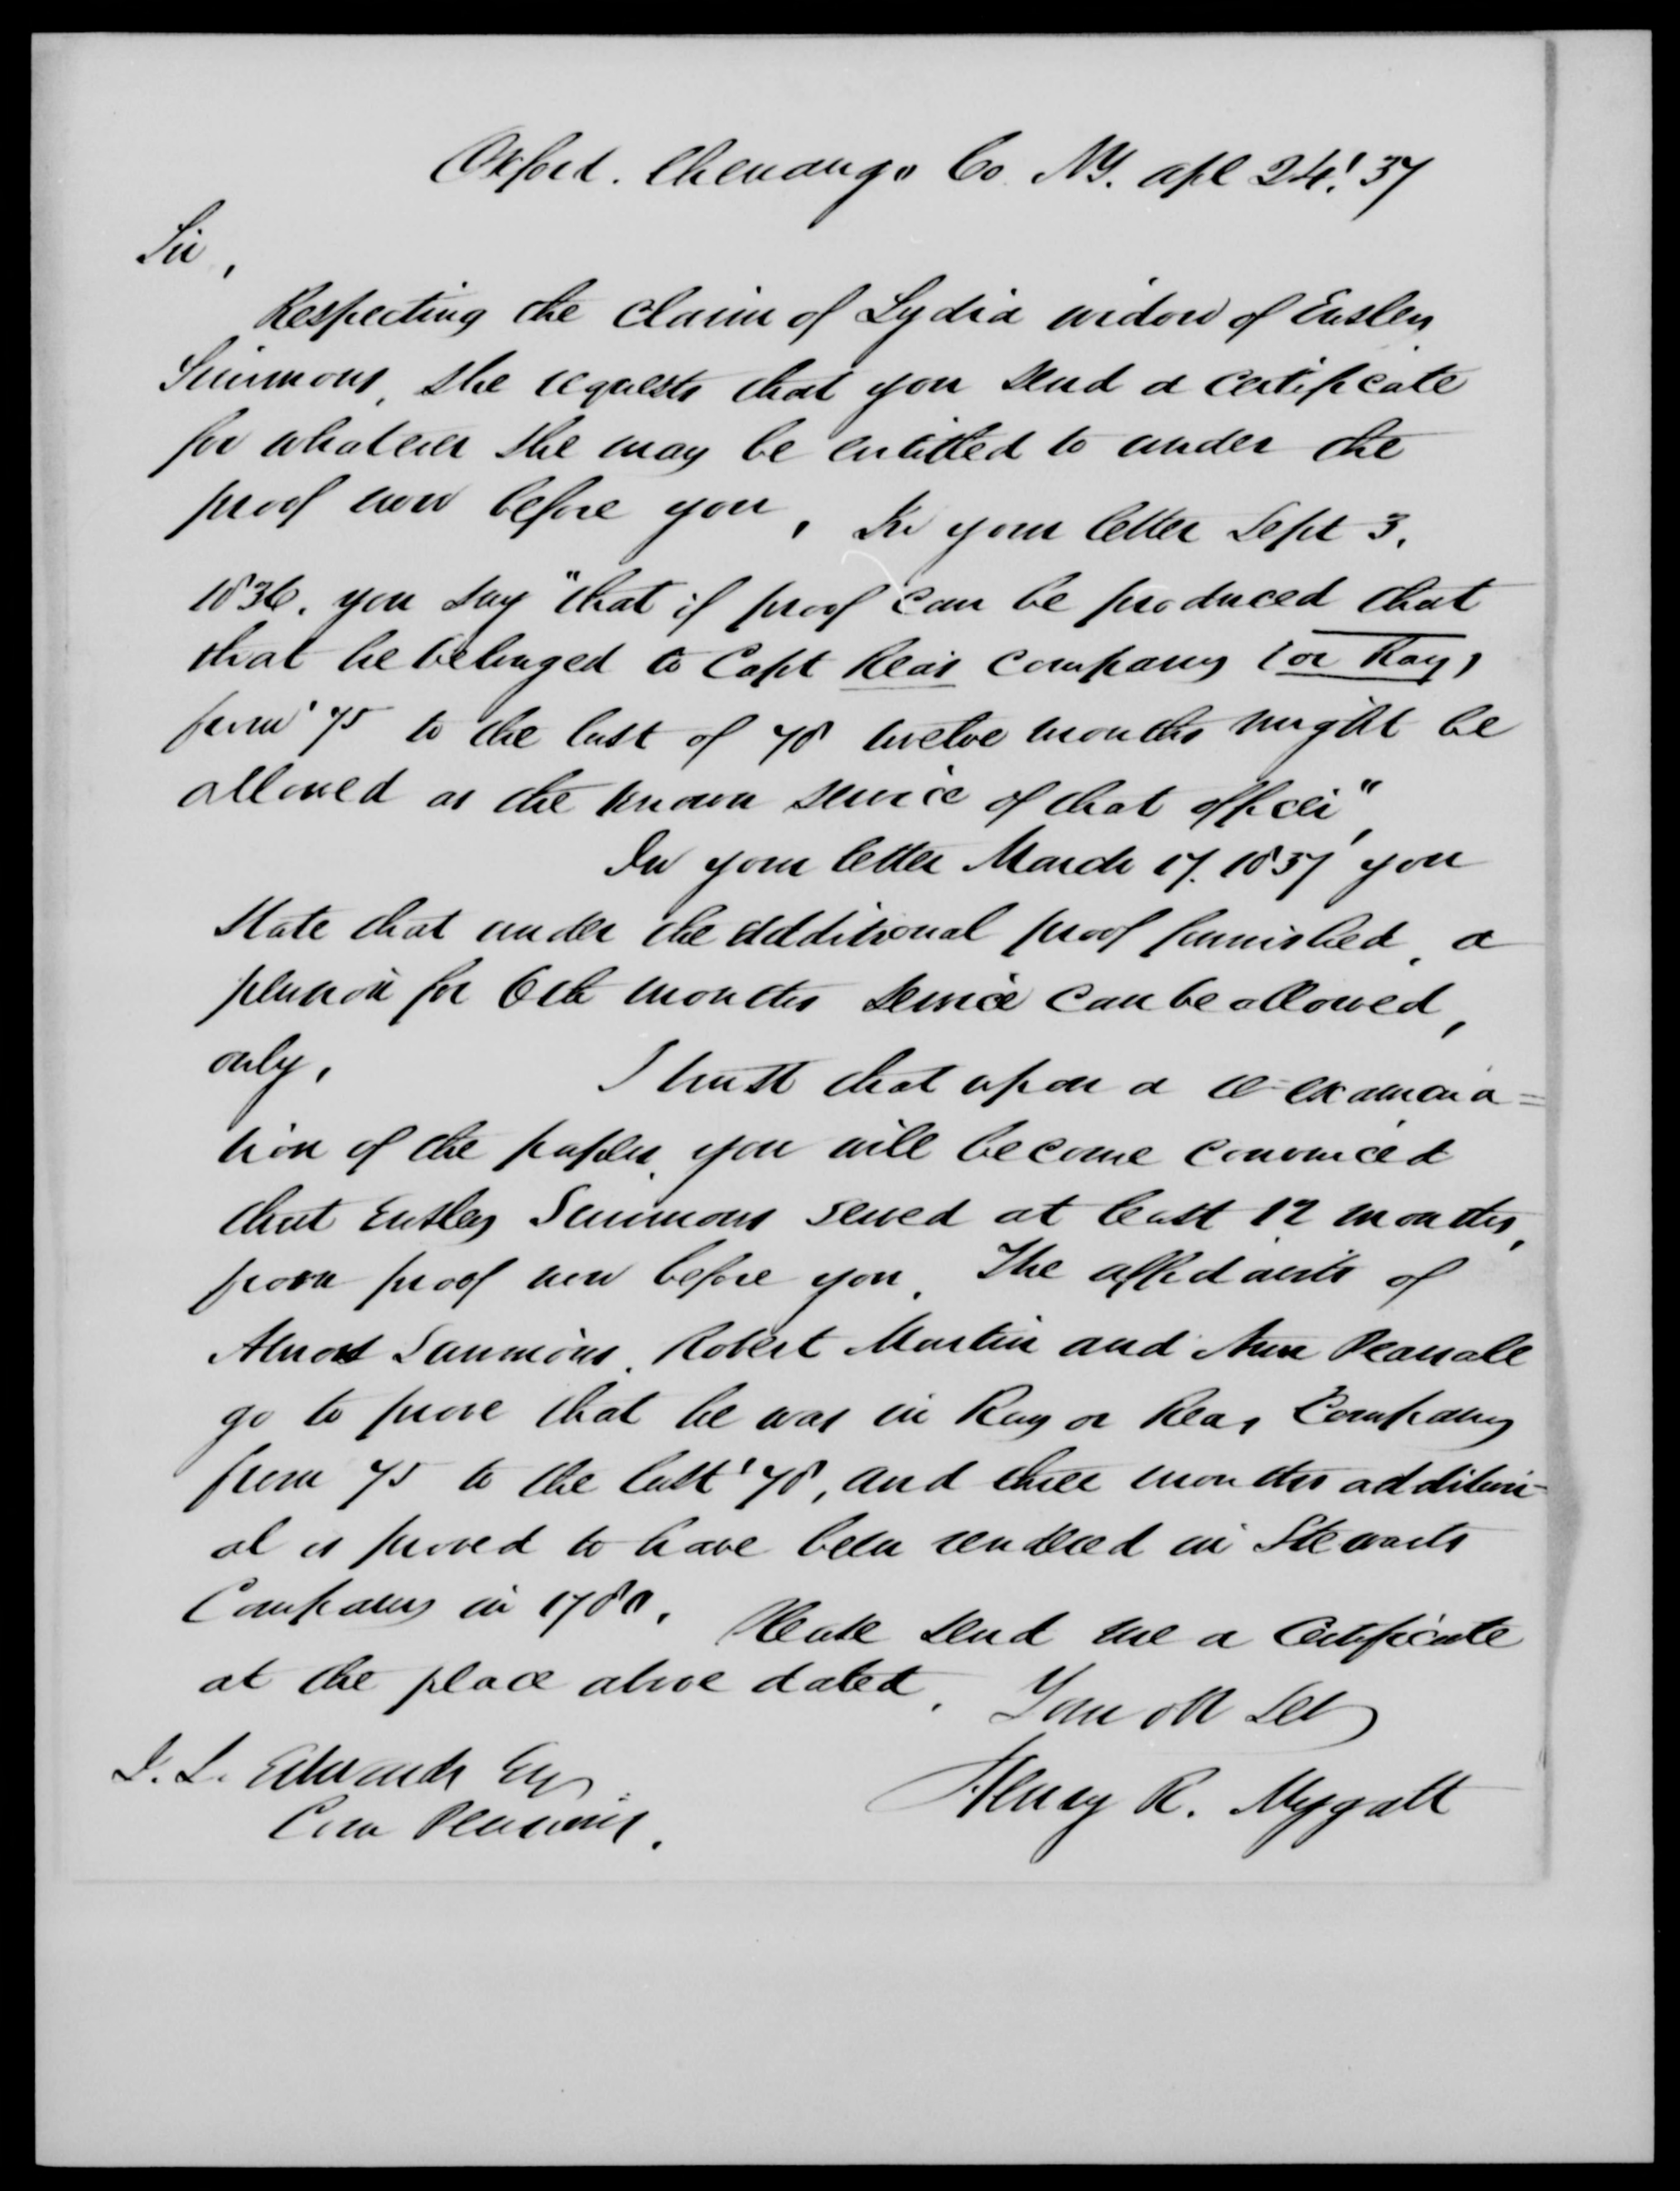Oxford, Chenango Co NY. Apl 24. '37
Sir,
Respecting the claim of Lydia widow of Ensley Simmons, she requests that you send a certificate for whatever she may be entitled to under the proof now before you.
In your letter Sept 3, 1836, you say "that if proof can be produced that that he belonged to Capt. Red's company (or Ray) from '75 to the last of 76 twelve months might be allowed as the known service of that officer."
In your letter March 17, 1837 you state that under the additional proof furnished, a pension for 6th months service can be allowed only.
I trust that upon a re-examination of the papers you will become convinced that Ensley Simmons served at least 12 months, from proof now before you. The affidavits of Amos Simmons, Robert Martin and Ann Pearsall go to prove that he was in Ray or Reds Company from 75 to the last '76, and three months additional is proved to have been rendered in Stewarts Company in 1780.
Please send me a Certificate at the place above dated.
Your obt. Serv. Henry R. Mygatt

J.L. Edwards Esq.
Com Pensions.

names: Robert Martin; Amos Simmons; Henry R Mygatt; Ann Pearsall; Ensley Simmons; J L Edwards; Ensley Simmons; Lydia [BLANK]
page: 21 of 29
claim: widow's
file: W. 19,032, for Ensley Simmons, New York